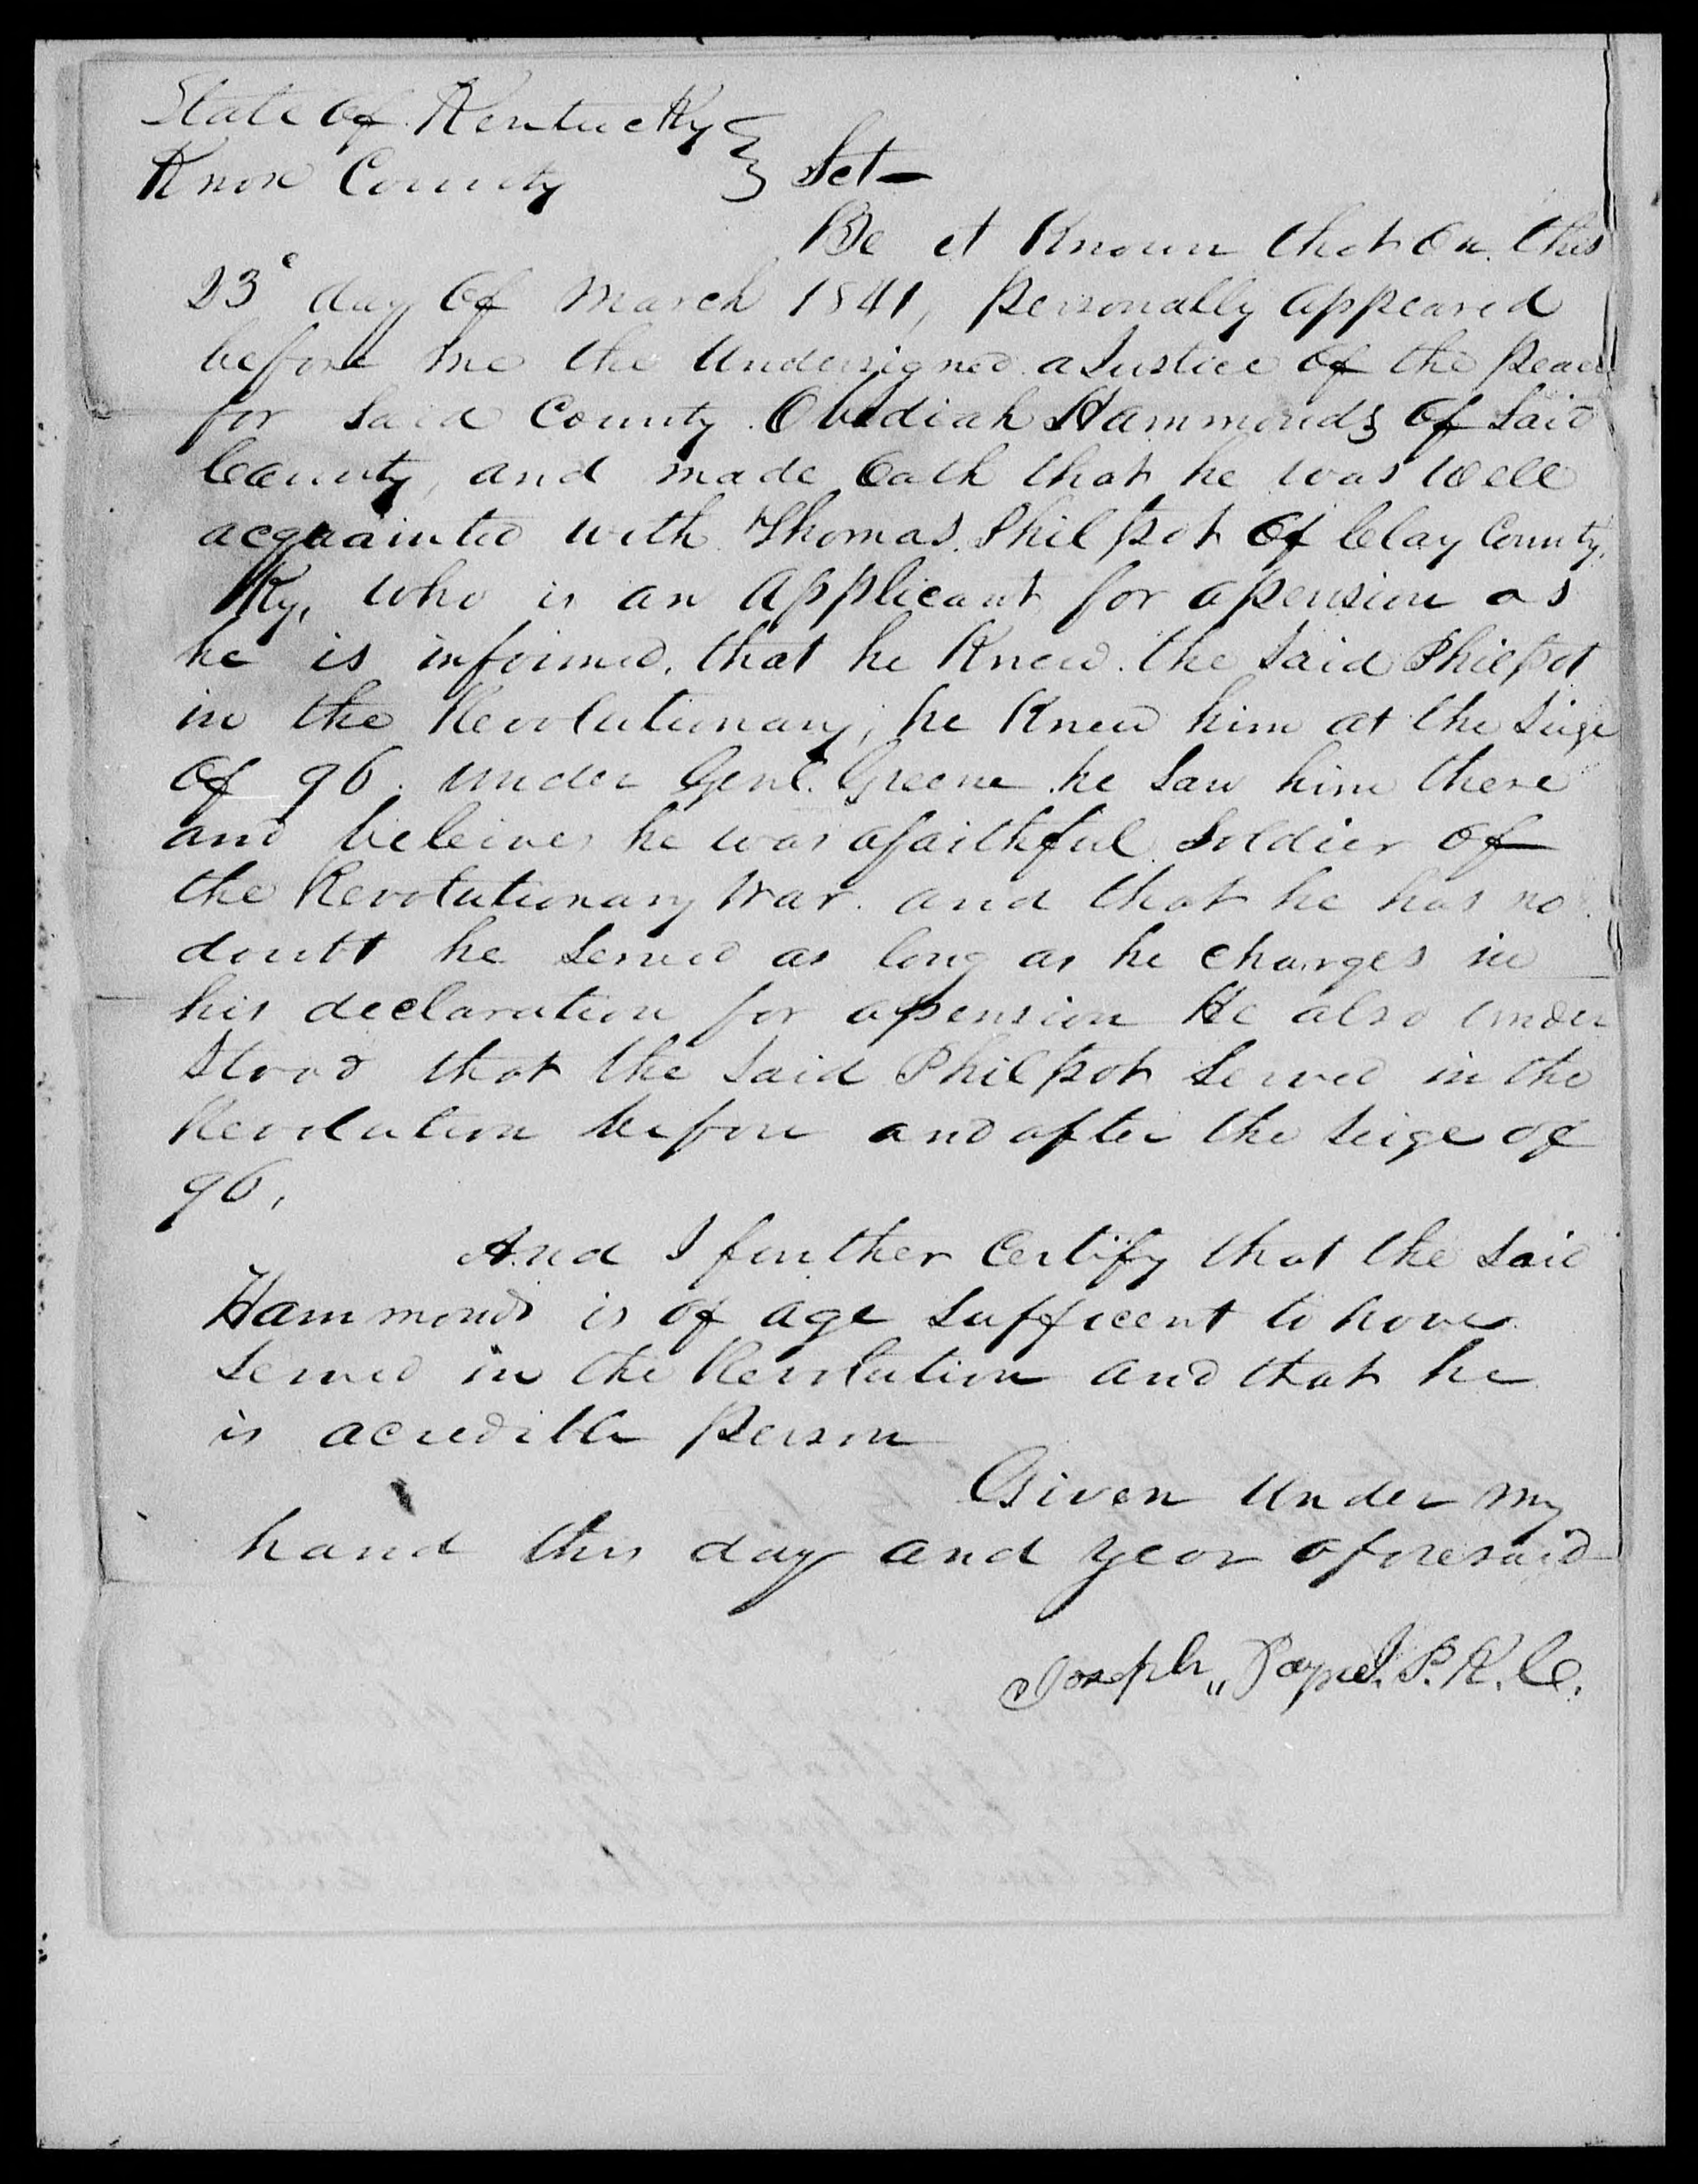State of Kentucky Knox County
Be it Known that on this
23 day of March 1841, personally appeared before me the undersigned a Justice of the Peace for said County Obediah Hammonds of said
County and made oath that he was well acquainted with Thomas Philpot of Clay County, who is an applicant for a pension as he is informed, that he knew the said Philpot in the Revolutionary, he knew him at the siege of 96 under Genl Greene he saw him there and believes he was a faithful soldier of the Revolutionary War and that he has no doubt he served as long as he charges in
his declaration for a pension he also understood that the said Philpot served in the Revolution before and after the siege of 96,
And I further certify that the said
Hammonds is of age sufficient to have served in the Revolution and that he is a credible person
Given under my
hand this day and year aforesaid
Joseph Payne JP.K.C.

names: Obediah Hammonds; Thomas Philpot; [BLANK] Greene; Joseph Payne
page: 30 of 43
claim: rejected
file: R. 8217, for Thomas Philpot, South Carolina